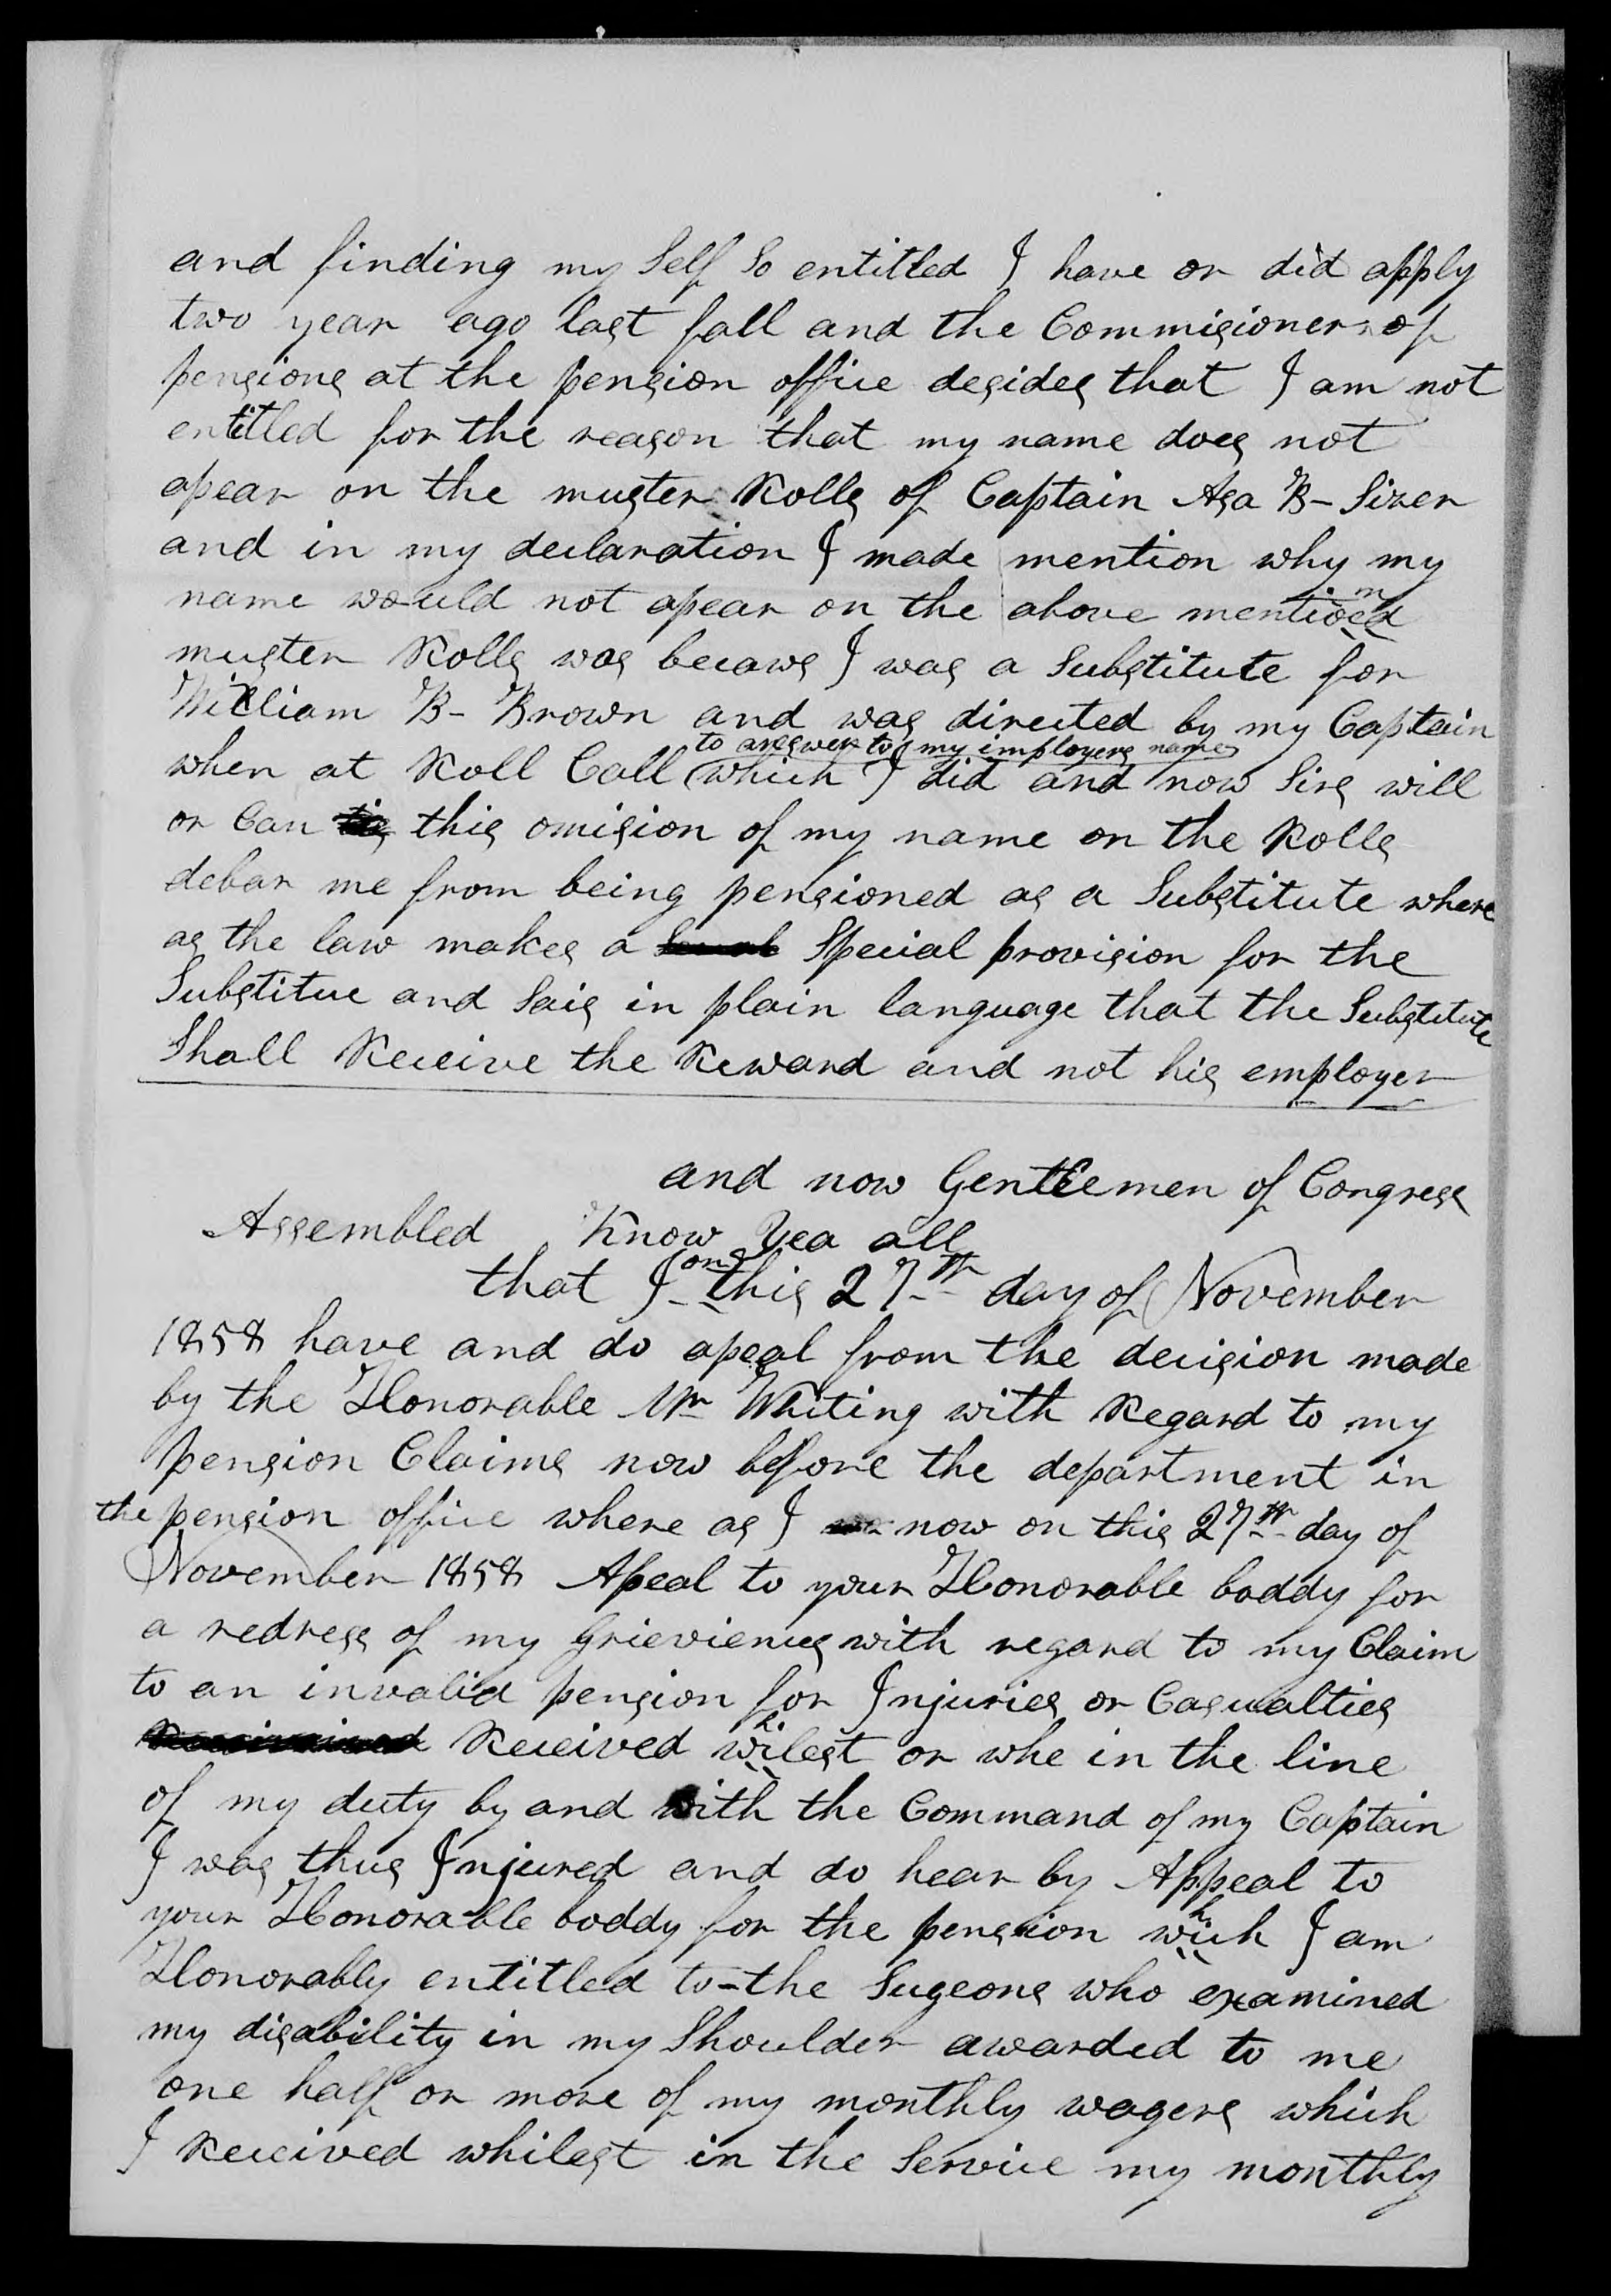and finding my self to entitled I have or did apply two years ago last fall and the Commisioner of pensions at the pension office decided that I am not entitled for the reason that my name does not apear on the muster Rolls of Captain Asa B. Sizer and in my declaration I made mention why my name would not apear on the above mentioned muster Rolls was becaws I was a substitute for William B. Brown and was directed by my Captain when at Roll Call to answer to my imployers name which I did and now Sirs will or can this omision of my name on the Rolls debar me from being pensioned as a Substitute where as the law makes a Special provision for the Substitue and sais in plain language that the Substitute shall receive the reward and not his employer 
Assembled and now Gentlemen of Congress Know yea all that on this 27th day of November 1858 have and do apeal from the decision made by the Honorable Wm Whiting with regard to my pension claims now before the department in the pension office where as I now on this 27th day of November 1858 Apeal to your Honorable boddy for a redress of my grieviences with regard to my Claim to an invalid pension for Injuries or Casualties Received Whilest or whe in the line of my duty by and with the command of my Captain I was thus Injured and do hear by Appeal to your Honorable boddy for the pension which I am Honorably entitled to - the Surgeons who examined my disability in my Shoulder awarded to me one half or more of my monthly wagers which I received whilest in the service my monthly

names: [BLANK] Whiting; William B Brown; Asa B Sizer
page: 42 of 44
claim: rejected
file: R. 17,033, for Joseph Perkins, New York